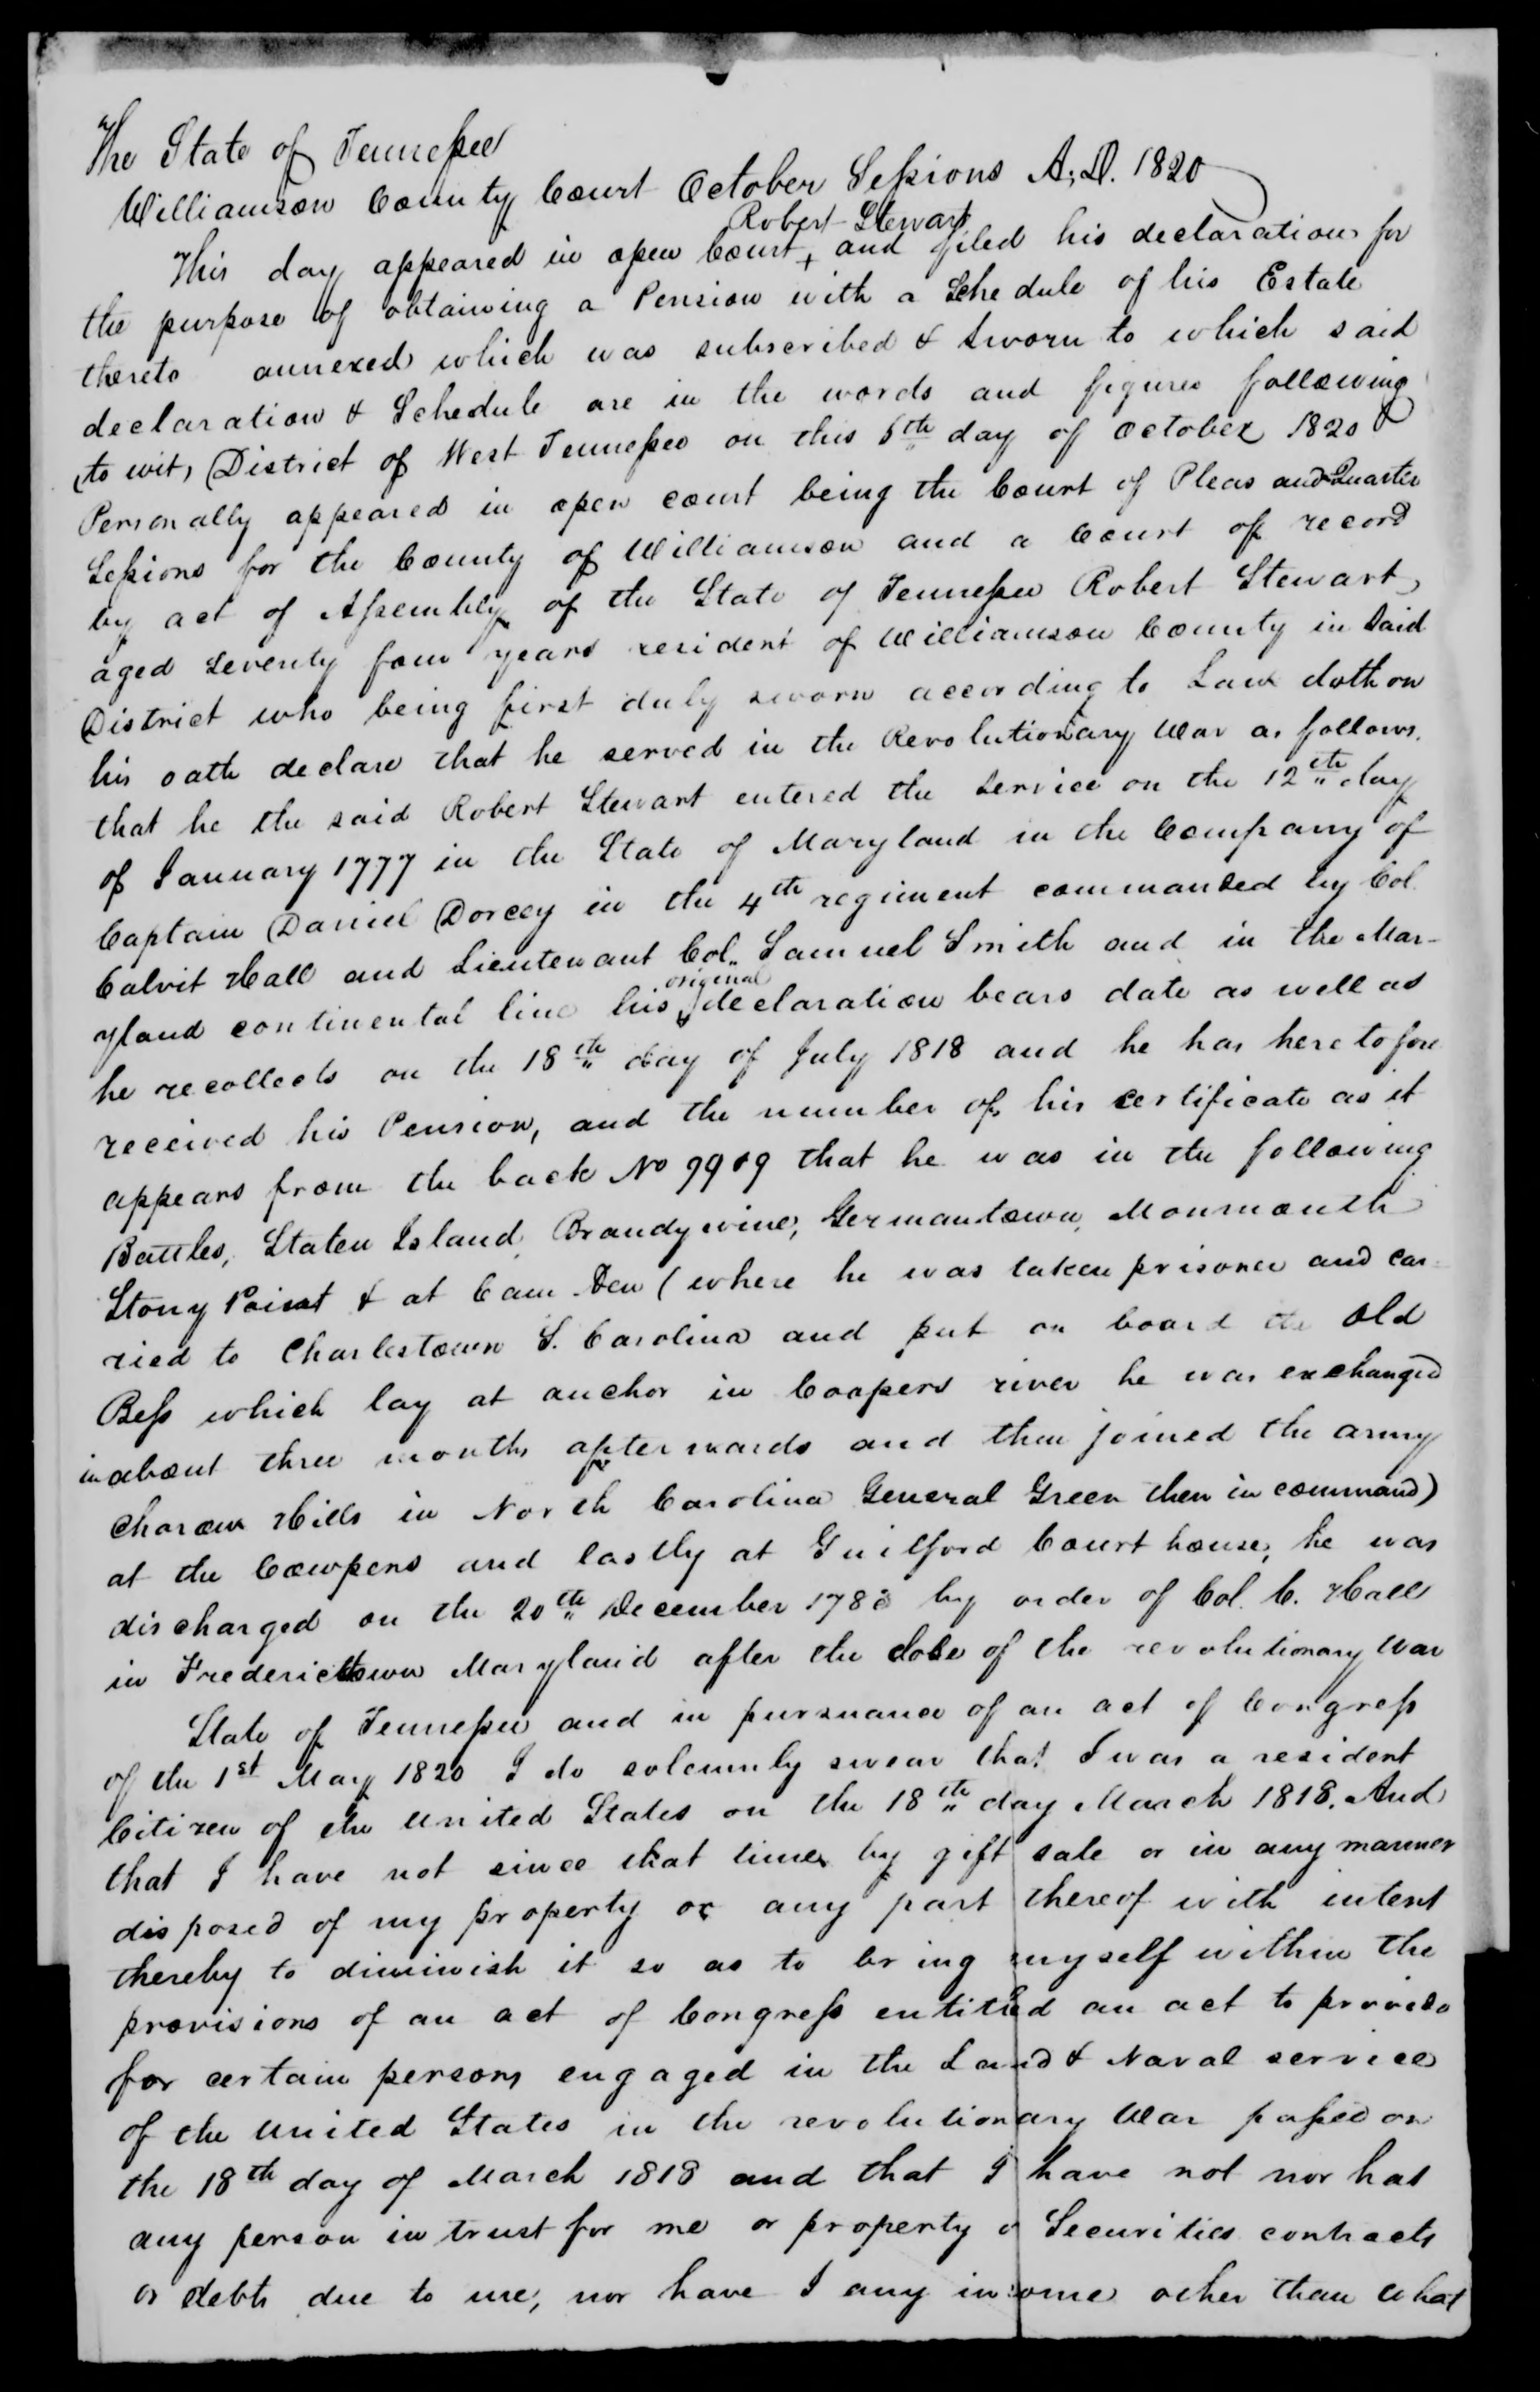The State of Tennessee
Williamson County Court--October Sessions A.D. 1820

This day appeared in open Court Robert Stewart and filed his declaration for the purpose of obtaining a Pension with a Schedule of his Estate thereto annexed which was subscribed & Sworn to which said declaration & Schedule are in the words and figures following, to wit, District of West Tennessee on this 6th day of October 1820  Personally appeared in open court being the Court of Pleas and Quarter Sessions for the County of Williamson and a Court of record by act of Assembly of the State of Tennessee Robert Stewart, aged seventy four years resident of Williamson County in Said District who being first duly sworn according to Law doth on his oath declare that he served in the Revolutionary War as follows. that he the said Robert Stewart entered the service on the 12th day of January 1777 in the State of Maryland in the Company of Captain Daniel Dorcey (Dorsey) in the 4th regiment commanded by Col. Calvert Hall and Lieutenant Col. Samuel Smith and in the Maryland Continental line his original declaration bears date as well as he recollects on the 18th day of July 1818 and he has heretofore received his Pension, and the number of his certificate as it appears from the back No 9919 that he was in the following Battles, Staten Island, Brandywine, Germantown, Monmouth Stony Point & at Cam Den (where he was taken prisoner and carried to Charlestown S. Carolina and put on board the Old Bess which lay at anchor in Coopers river he was exchanged in about three months afterwards and then joined the army Choram (Chrome) Hills in North Carolina General Green then in command) at the Cowpens and lastly at Guilford Court house, he was discharged on the 20th December 1783 by order of Col. C. Hall in Fredericktown Maryland after the close of the revolutionary War
State of Tennessee and in pursuance of an act of Congress of the 1st May 1820 I do solemnly swear that I was a resident Citizen of the United States on the 18th day March 1818. And that I have not since that time by gift sale or in any manner disposed of my property or any part thereof with intent thereby to diminish it so as to bring myself within the provisions of an act of Congress entitled an act to provide for certain persons engaged in the Land & Naval service of the United States in the revolutionary Wart passed on the 18th day of March 1818 and that I have not nor had any person in trust for me or property or Securities contracts or debts due to use, nor have I any income other than what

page: 4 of 15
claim: survivor's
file: S 39089, for Robert Stewart, Maryland